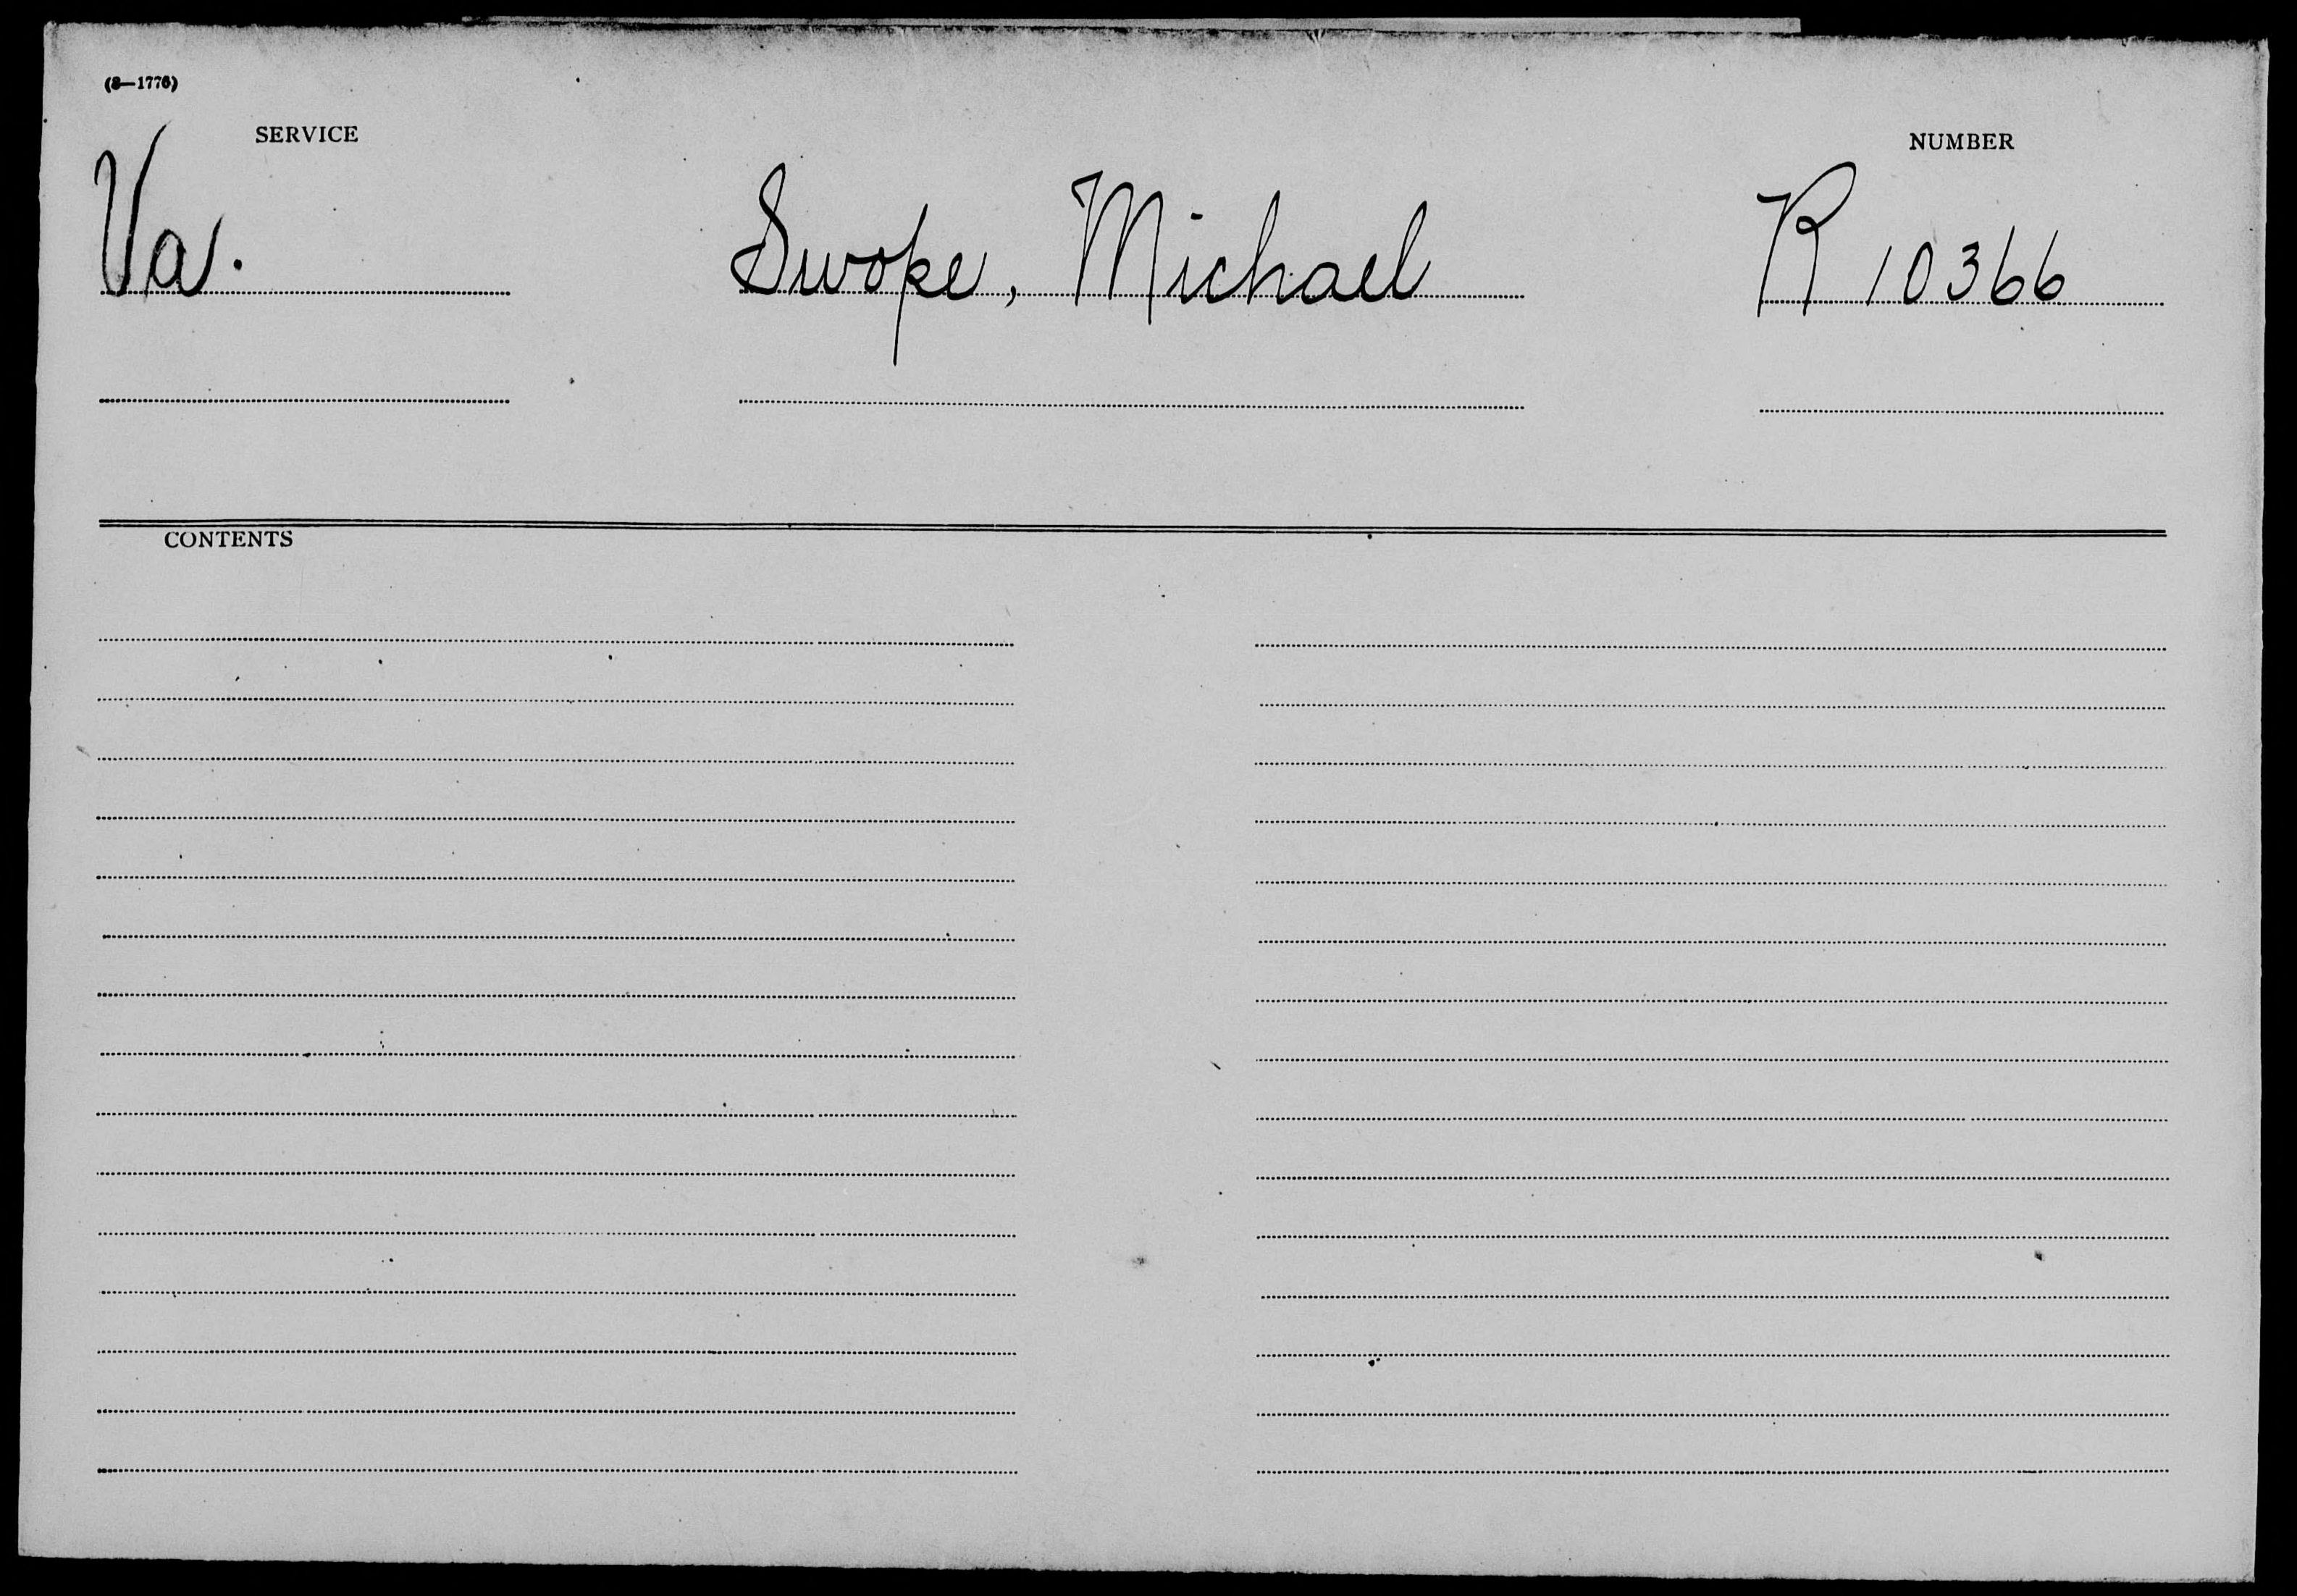Service: VA
Swope, Michael
Number: R10366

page: 1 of 16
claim: rejected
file: R 10366, for Michael Swope, Virginia